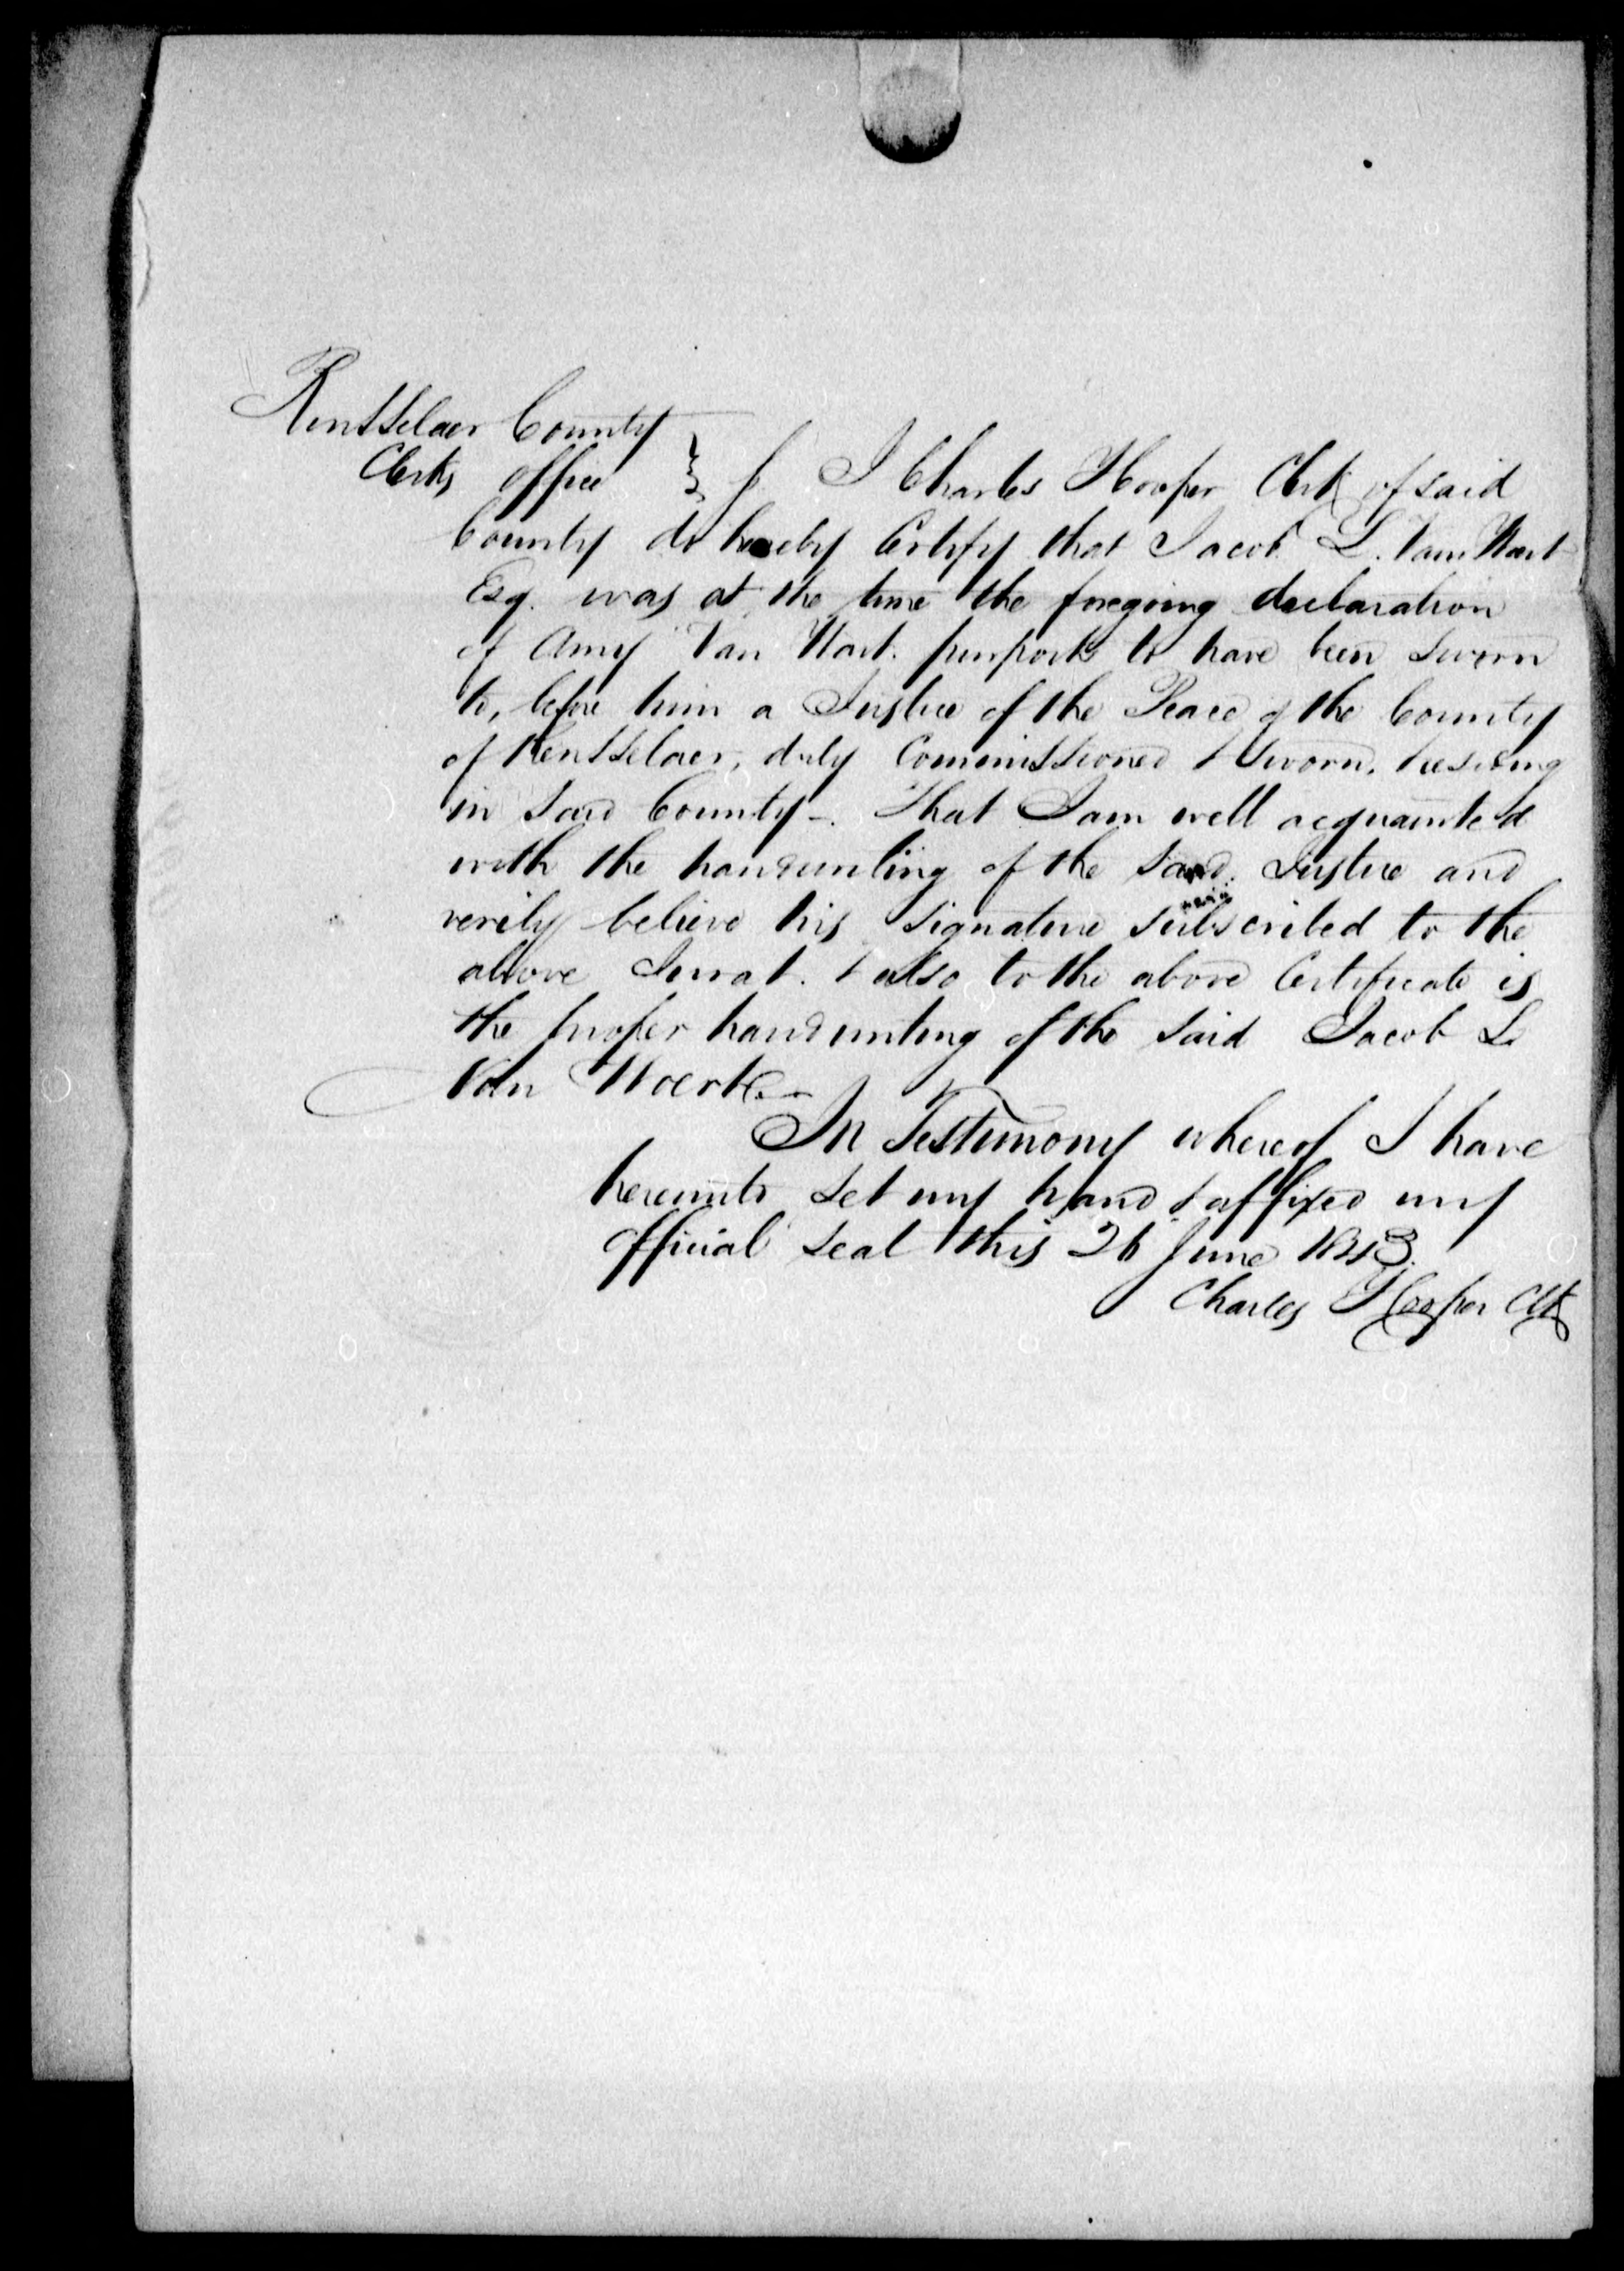Rensselaer County
Clerk's office

I Charles Hooper Clerk of said County do hereby certify that Jacob L Van Woert Esq. was at the time the foregoing declaration of Amy Van Wart purport to have been sworn to, before him a Justice of the Peace of the County of Rensselaer, duly commissioned & sworn, residing in said County - That I am well acquainted with the handwriting of the said Justice and verily believe his signature subscribed to the above seal  & also to the above certificate is the proper handwriting of the said Jacob L Van Woert.

In Testimony whereof I have 
hereto set my hand & affixed my 
official Seal this 2nd June 1818

Charles Cooper Clk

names: Jacob L Van Wart, Charles Hooper, Charles Hooper, Jacob L Van Woert, Amy Van Wart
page: 91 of 102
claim: widow's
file: W. 18239, Isaac Van Wart, New York